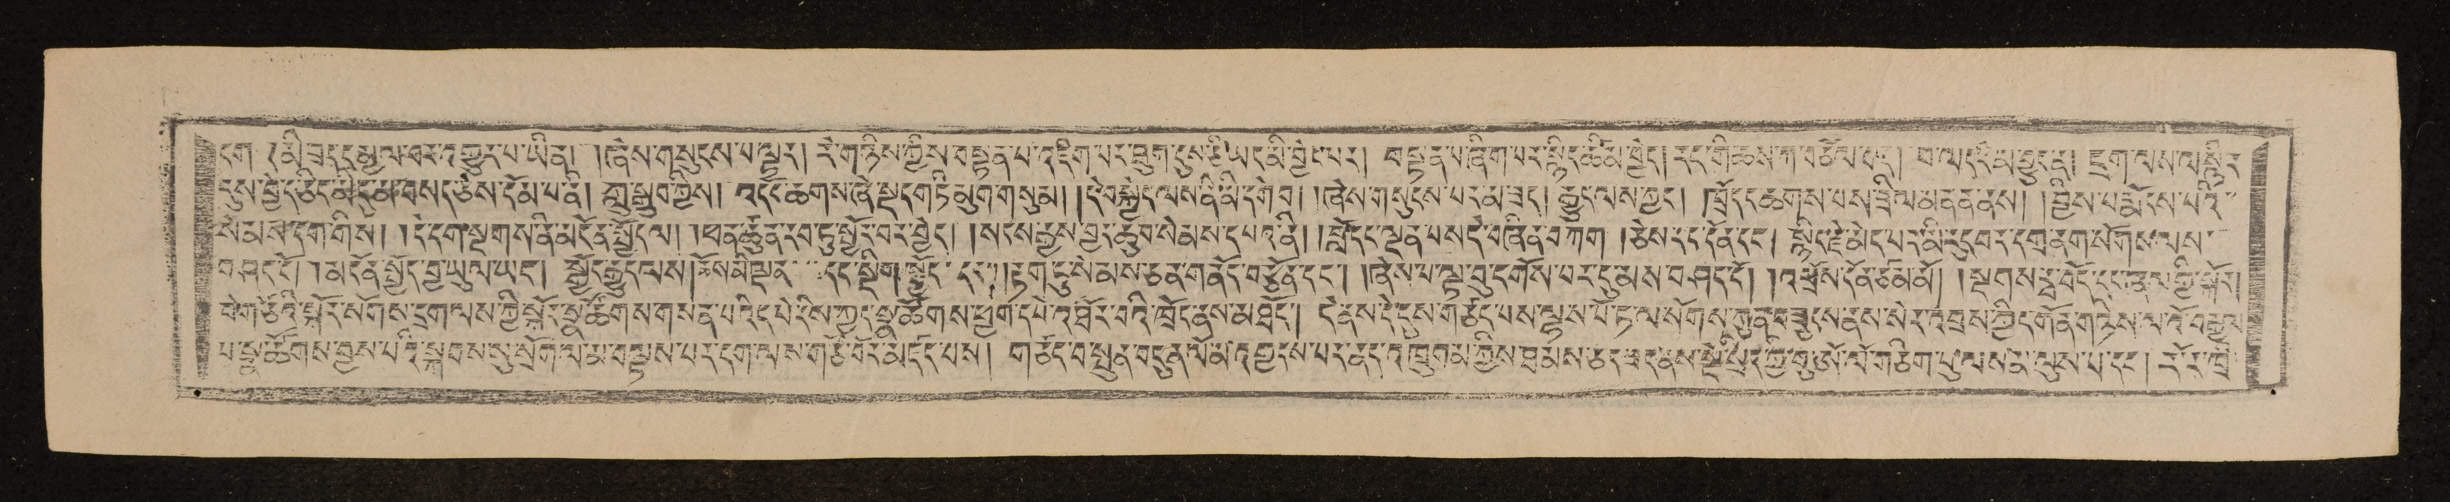དག ༑མི་ཟད་དམྱལ་བར་འགྱུར་པ་ཡིན། །ཞེས་གསུངས་པ་ལྟར། རེ་གཉིས་ཀྱིས་བསྟན་པ་འཇིག་པར་ཐུག་དུས་ཅི་ཡང་མི་བྱེད་པར། བསྟན་པ་ཞིག་པར་སྙིང་ཚིམ་བྱེད། རང་གི་ཆས་ཀ་བཅོལ་བར། བ་ལང་རེ་མ་བྱུང་ན། དྲག་ལས་ལ་སྙིང་
རུས་བྱེད་ཅིང་མི་དུ་མ་བསད་ཅེས་ངོམ་པ་ནི། ཀླུ་སྒྲུབ་ཀྱིས། འདོད་ཆགས་ཞེ་སྡང་གཏི་མུག་གསུམ། །དེ་བསྐྱེད་ལས་ནི་མི་དགེ་བ། །ཞེས་གསུངས་པར་མ་ཟད། རྒྱུད་ལས་ཀྱང་། ཁྲོ་དང་ཆགས་པས་ཟིལ་མནན་ནས། །བྱིས་པ་རྨོངས་པའི་
སེམས་དག་གིས། །དེ་དག་སྔགས་ནི་མངོན་སྤྱོད་ལ། །ཕན་ཚུན་རབ་ཏུ་སྦྱོར་བར་བྱེད། །སངས་རྒྱས་བྱང་ཆུབ་སེམས་དཔའ་ནི། །བློ་དང་ལྡན་པས་དེ་བཞིན་བཀག །ཅེས་རང་དོན་དང་། སྙིང་རྗེ་མེད་པར་མི་རུང་བར་དགྲ་ནག་སོགས་ལས་
བཤད་དོ། །མངོན་སྤྱོད་བྱ་ཡུལ་ཡང་། སྤྱོད་རྒྱུད་ལས། ཆོས་མི་ལྡན་དང་སྡིག་སྤྱོད་དང་། །རྟག་ཏུ་སེམས་ཅན་གནོད་བརྩོན་དང་། །ཞེས་པ་ལྟ་བུ་དགོས་པར་དུ་མས་བཤད་དོ། །འཕྲོས་དོན་ཙམ་མོ། །སྔགས་རྭ་པོད་དང་ཞལ་གྱི་སྐོར།
བེག་ཙེའི་སྐོར་སོགས་དྲག་ལས་ཀྱི་སྐོར་སྣ་ཚོགས་གསན་པའི་དཔེ་རིས་ཀྱང་སྣ་ཚོགས་ཕྱག་དཔེ་འཐར་པའི་ཁྲོད་ནས་མཐོང་། དེ་ནས་དེ་དུས་གཙང་པས་ལྷ་ས་པོ་ཏ་ལ་སོགས་ཀུན་བཟུངས་ནས་སེར་འབྲས་ཀྱི་དགོན་གཉིས་ལ་འོ་བརྒྱལ་
པ་སྣ་ཚོགས་བྱས་པའི་སྐབས་སུ་སྲོག་ལམ་བལྟས་པར་དྲག་ལས་གཙོ་བོར་མཛད་པས། གཙང་བ་སྤུན་བདུན་ལོ་མ་འགྱངས་པར་ནད་འཁྲུགས་ཀྱིས་ཐམས་ཅད་ཟད་ནས་སྡེ་སྲིད་ཀྱི་བུ་ཨོ་ལོ་གཅིག་བུ་ལས་མ་ལུས་པ་དང་། རེ་རེ་ཁྲི་